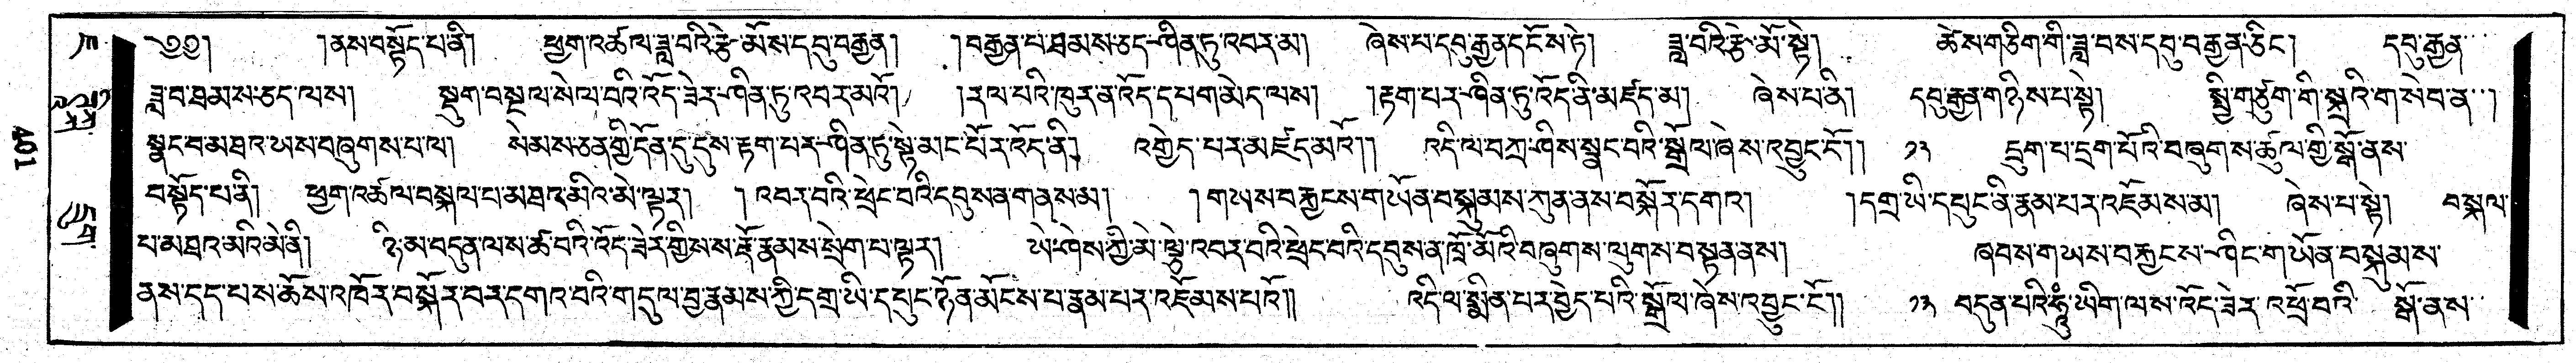༄༅། །ནས་བསྟོད་པ་ནི། ཕྱག་འཚལ་ཟླ་བའི་རྩེ་མོས་དབུ་བརྒྱན། །བརྒྱན་པ་ཐམས་ཅད་ཤིན་ཏུ་འབར་མ། ཞེས་པ་དབུ་རྒྱན་དངོས་ཏེ། ཟླ་བའི་རྩེ་མོ་སྟེ། ཚེས་གཅིག་གི་ཟླ་བས་དབུ་བརྒྱན་ཅིང་། དབུ་རྒྱན་
ཟླ་བ་ཐམས་ཅད་ལས། སྡུག་བསྔལ་སེལ་བའི་འོད་ཟེར་ཤིན་ཏུ་འབར་མའོ། །རལ་པའི་ཁུར་ན་འོད་དཔག་མེད་ལས། །རྟག་པར་ཤིན་ཏུ་འོད་ནི་མཛད་མ། ཞེས་པ་ནི། དབུ་རྒྱན་གཉིས་པ་སྟེ། སྤྱི་གཙུག་གི་སྐྲའི་གསེབ་ན།
སྣང་བ་མཐའ་ཡས་བཞུགས་པ་ལ། སེམས་ཅན་གྱི་དོན་དུ་དུས་རྟག་པར་ཤིན་ཏུ་སྟེ་མང་པོར་འོད་ནི། འགྱེད་པར་མཛད་མའོ།། འདི་ལ་བཀྲ་ཤིས་སྣང་བའི་སྒྲོལ་ཞེས་འབྱུང་ངོ།། ༡༢་དྲུག་པ་དྲག་པོའི་བཞུགས་ཚུལ་གྱི་སྒོ་ནས་
བསྟོད་པ་ནི། ཕྱག་འཚལ་བསྐལ་པ་མཐའ་མའི་མེ་ལྟར། །འབར་བའི་ཕྲེང་བའི་དབུས་ན་གནས་མ། །གཡས་བརྐྱངས་གཡོན་བསྐུམས་ཀུན་ནས་བསྐོར་དགའ། །དགྲ་ཡི་དཔུང་ནི་རྣམ་པར་འཇོམས་མ། ཞེས་པ་སྟེ། བསྐལ་
པ་མཐའ་མའི་མེ་ནི། ཉི་མ་བདུན་ལས་ཚ་བའི་འོད་ཟེར་གྱིས་ས་རྡོ་རྣམས་སྲེག་པ་ལྟར། ཡེ་ཤེས་ཀྱི་མེ་ལྕེ་འབར་བའི་ཕྲེང་བའི་དབུས་ན་ཁྲོ་མོའི་བཞུགས་ལུགས་བསྟན་ནས། ཞབས་གཡས་བརྐྱངས་ཤིང་གཡོན་བསྐུམས་
ནས་དད་པས་ཆོས་འཁོར་བསྐོར་བར་དགའ་བའི་གདུལ་བྱ་རྣམས་ཀྱི་དགྲ་ཡི་དཔུང་ཉོན་མོངས་པ་རྣམ་པར་འཇོམས་པའོ།། འདི་ལ་སྨིན་པར་བྱེད་པའི་སྒྲོལ་ཞེས་འབྱུང་ངོ།། ༡༣་བདུན་པའི་ཧཱུཾ་ཡིག་ལས་འོད་ཟེར་འཕྲོ་བའི་སྒོ་ནས་